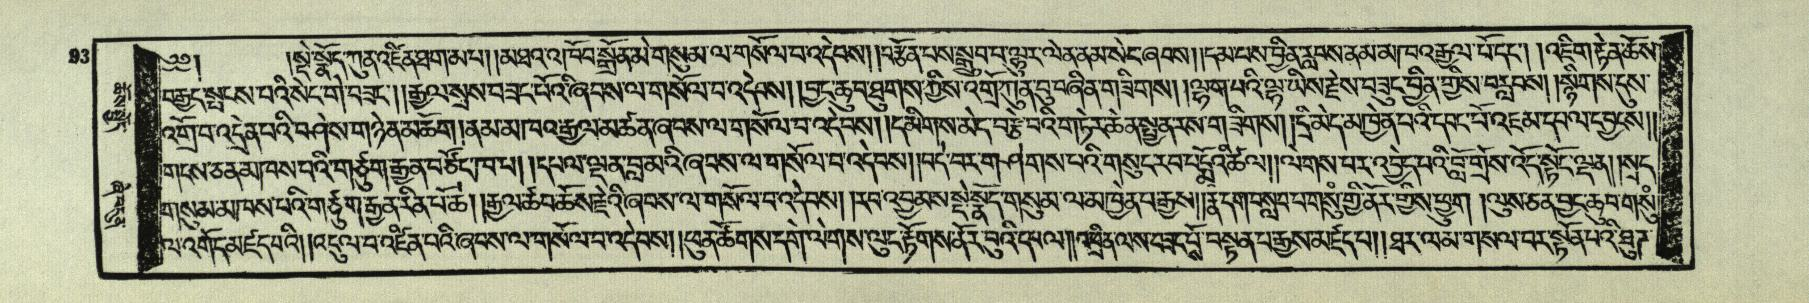༄༅། །སྡེ་སྣོད་ཀུན་འཛིན་ཐག་མ་པ། །མཐའ་འཁོབ་སྒྲོན་མེ་གསུམ་ལ་གསོལ་བ་འདེབས། །བརྩོན་པས་སྒྲུབ་པ་ལྷུར་ལེན་ནམ་སེང་ཞབས། །དམ་པས་བྱིན་རླབས་ནམ་མཁའ་རྒྱལ་པོ་དང་། །འཇིག་རྟེན་ཆོས་
བརྒྱད་སྤངས་པའི་སེང་གེ་བཟང་། །རྒྱལ་སྲས་བཟང་པོའི་ཞབས་ལ་གསོལ་བ་འདེབས། །བྱང་ཆུབ་ཐུགས་ཀྱིས་འགྲོ་ཀུན་བུ་བཞིན་གཟིགས། །ལྷག་པའི་ལྷ་ཡིས་རྗེས་བཟུང་བྱིན་གྱིས་བརླབས། །སྙིགས་དུས་
འགྲོ་བ་འདྲེན་པའི་བཤེས་གཉེན་མཆོག །ནམ་མཁའ་རྒྱལ་མཚན་ཞབས་ལ་གསོལ་བ་འདེབས། །དམིགས་མེད་བརྩེ་བའི་གཏེར་ཆེན་སྤྱན་རས་གཟིགས། །དྲི་མེད་མཁྱེན་པའི་དབང་པོ་འཇམ་དཔལ་དབྱངས།།
གངས་ཅན་མཁས་པའི་གཙུག་རྒྱན་བཙོང་ཁ་པ། །དཔལ་ལྡན་བླ་མའི་ཞབས་ལ་གསོལ་བ་འདེབས། །བདེ་བར་གཤེགས་པའི་གསུང་རབ་པདམོའི་ཚལ། །ལེགས་པར་འབྱེད་པའི་བློ་གྲོས་འོད་སྟོང་ལྡན། །སྲད་
གསུམ་མཁས་པའི་གཙུག་རྒྱན་རིན་པོ་ཆེ། །རྒྱལ་ཚབ་ཆོས་རྗེའི་ཞབས་ལ་གསོལ་བ་འདེབས། །རབ་འབྱམས་སྡེ་སྣོད་གསུམ་ལ་མཁྱེན་པ་རྒྱས། །རྣ་དག་བསླབ་པ་གསུཾ་གྱི་ནོར་གྱིས་ཕྱུག །ལུས་ཅན་བྱང་ཆུབ་གསུཾ་
ལ་འགོད་མཛད་པའི། །འདུལ་བ་འཛིན་པའི་ཞབས་ལ་གསོལ་བ་འདེབས། །ཕུན་ཚོགས་དགེ་ལེགས་ལུང་རྟོགས་ནོར་བུའི་དཔལ། །འཕྲིན་ལས་བཟང་པོས་བསྟན་པ་རྒྱས་མཛད་པ། །ཐར་ལམ་གསལ་བར་སྟོན་པའི་ཐུཌ་